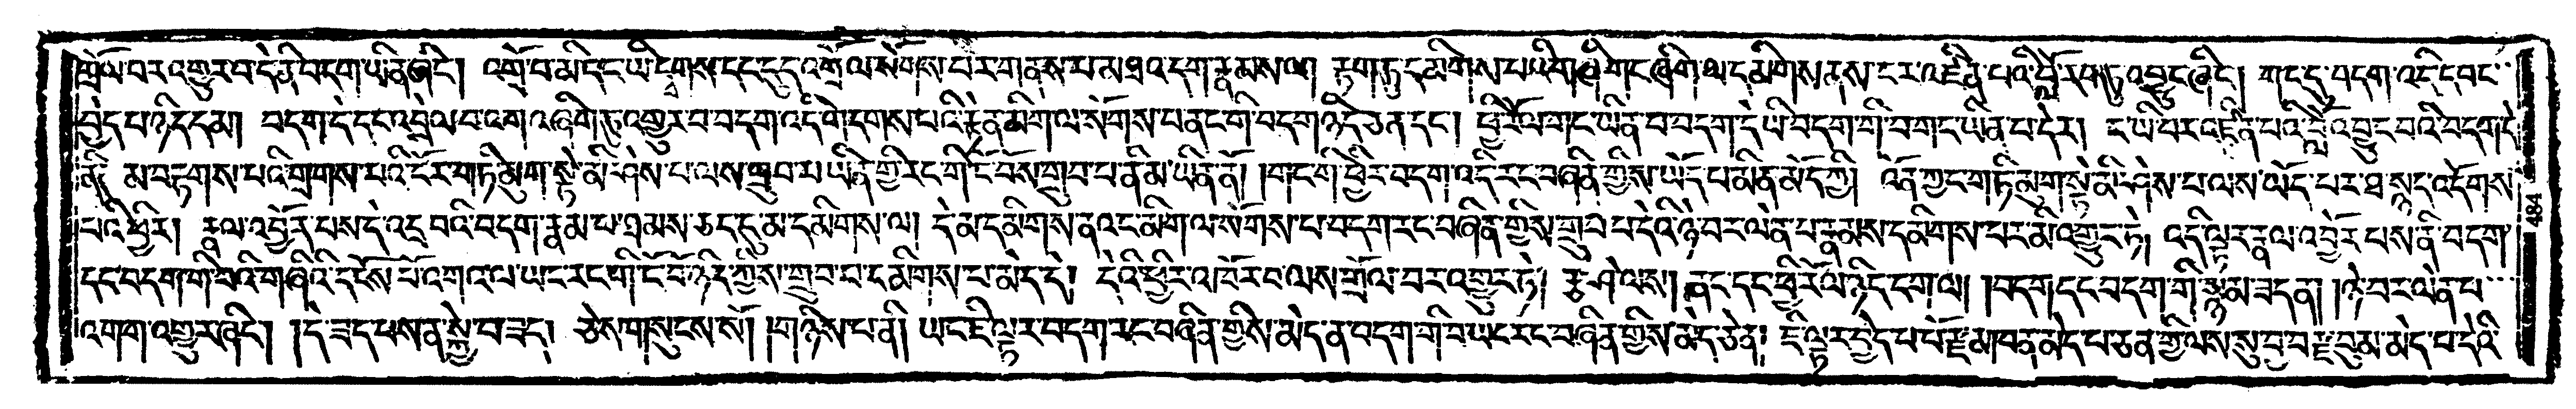གྲོལ་བར་འགྱུར་བ་དེ་ནི་བདག་ཡིན་ཞིང་། འགྲོ་བ་མི་དང་ཡི་དྭགས་དང་དུད་འགྲོ་ལ་སོགས་པར་གནས་པ་མཐའ་དག་རྣམས་ལ། རྟག་ཏུ་དམིགས་པའི་གཞི་གང་ཞིག་ལ་དམིགས་ནས་ངར་འཛིན་པའི་བློ་རབ་ཏུ་འབྱུང་ཞིང་། གང་དུ་བདག་འདི་དབང་
བྱེད་པ་ཉིད་དམ། བདག་དེ་དང་འབྲེལ་བ་འགའ་ཞིག་ཏུ་འགྱུར་བ་བདག་འདི་གདགས་པའི་རྟེན་མིག་ལ་སོགས་པ་ནང་གི་བདག་ཉིད་ཅན་དང་། ཕྱི་རོལ་གང་ཡིན་པ་བདག་དེ་ཡི་བདག་གི་བ་གང་ཡིན་པ་དེར། ང་ཡི་བར་འཛིན་པའི་བློ་འབྱུང་བའི་བདག་དེ་
ནི༑ མ་བརྟགས་པའི་གྲགས་པའི་ངོར་གཏི་མུག་སྟེ་མི་ཤེས་པ་ལས་གྲུབ་པ་ཡིན་གྱི་རང་གི་ངོ་བོས་གྲུབ་པ་ནི་མ་ཡིན་ནོ། །གང་གི་ཕྱིར་བདག་འདི་རང་བཞིན་གྱིས་ཡོད་པ་མིན་མོད་ཀྱི། འོན་ཀྱང་གཏི་མུག་སྟེ་མི་ཤེས་པ་ལས་ཡོད་པར་ཐ་སྙད་འདོགས་
པའི་ཕྱིར། རྣལ་འབྱོར་པས་དེ་འདྲ་བའི་བདག་རྣམ་པ་ཐམས་ཅད་དུ་མ་དམིགས་ལ། དེ་མ་དམིགས་ནའང་མིག་ལ་སོགས་པ་བདག་རང་བཞིན་གྱིས་གྲུབ་པ་དེའི་ཉེ་བར་ལེན་པ་རྣམས་དམིགས་པར་མི་འགྱུར་ཏེ། འདི་ལྟར་རྣལ་འབྱོར་པས་ནི་བདག་
དང་བདག་གི་བའི་གཞིའི་དངོས་པོ་འགའ་ལ་ཡང་རང་གི་ངོ་བོ་ཉིད་ཀྱིས་གྲུབ་པ་དམིགས་པ་མེད་དེ། དེའི་ཕྱིར་འཁོར་བ་ལས་གྲོལ་བར་འགྱུར་ཏེ། རྩ་ཤེ་ལས། ནང་དང་ཕྱི་རོལ་ཉིད་དག་ལ། །བདག་དང་བདག་གི་སྙམ་ཟད་ན། །ཉེ་བར་ལེན་པ་
འགག་འགྱུར་ཞིང་། །དེ་ཟད་པས་ན་སྐྱེ་བ་ཟད། ཅེས་གསུངས་སོ། །གཉིས་པ་ནི། ཡང་ཇི་ལྟར་བདག་རང་བཞིན་གྱིས་མེད་ན་བདག་གི་བ་ཡང་རང་བཞིན་གྱིས་མེད་ཅེ་ན། ཇི་ལྟར་བྱེད་པ་པོ་རྫ་མཁན་མེད་པ་ཅན་གྱི་ལས་སུ་བྱ་བ་རྫ་བུམ་མེད་པ་དེའི་